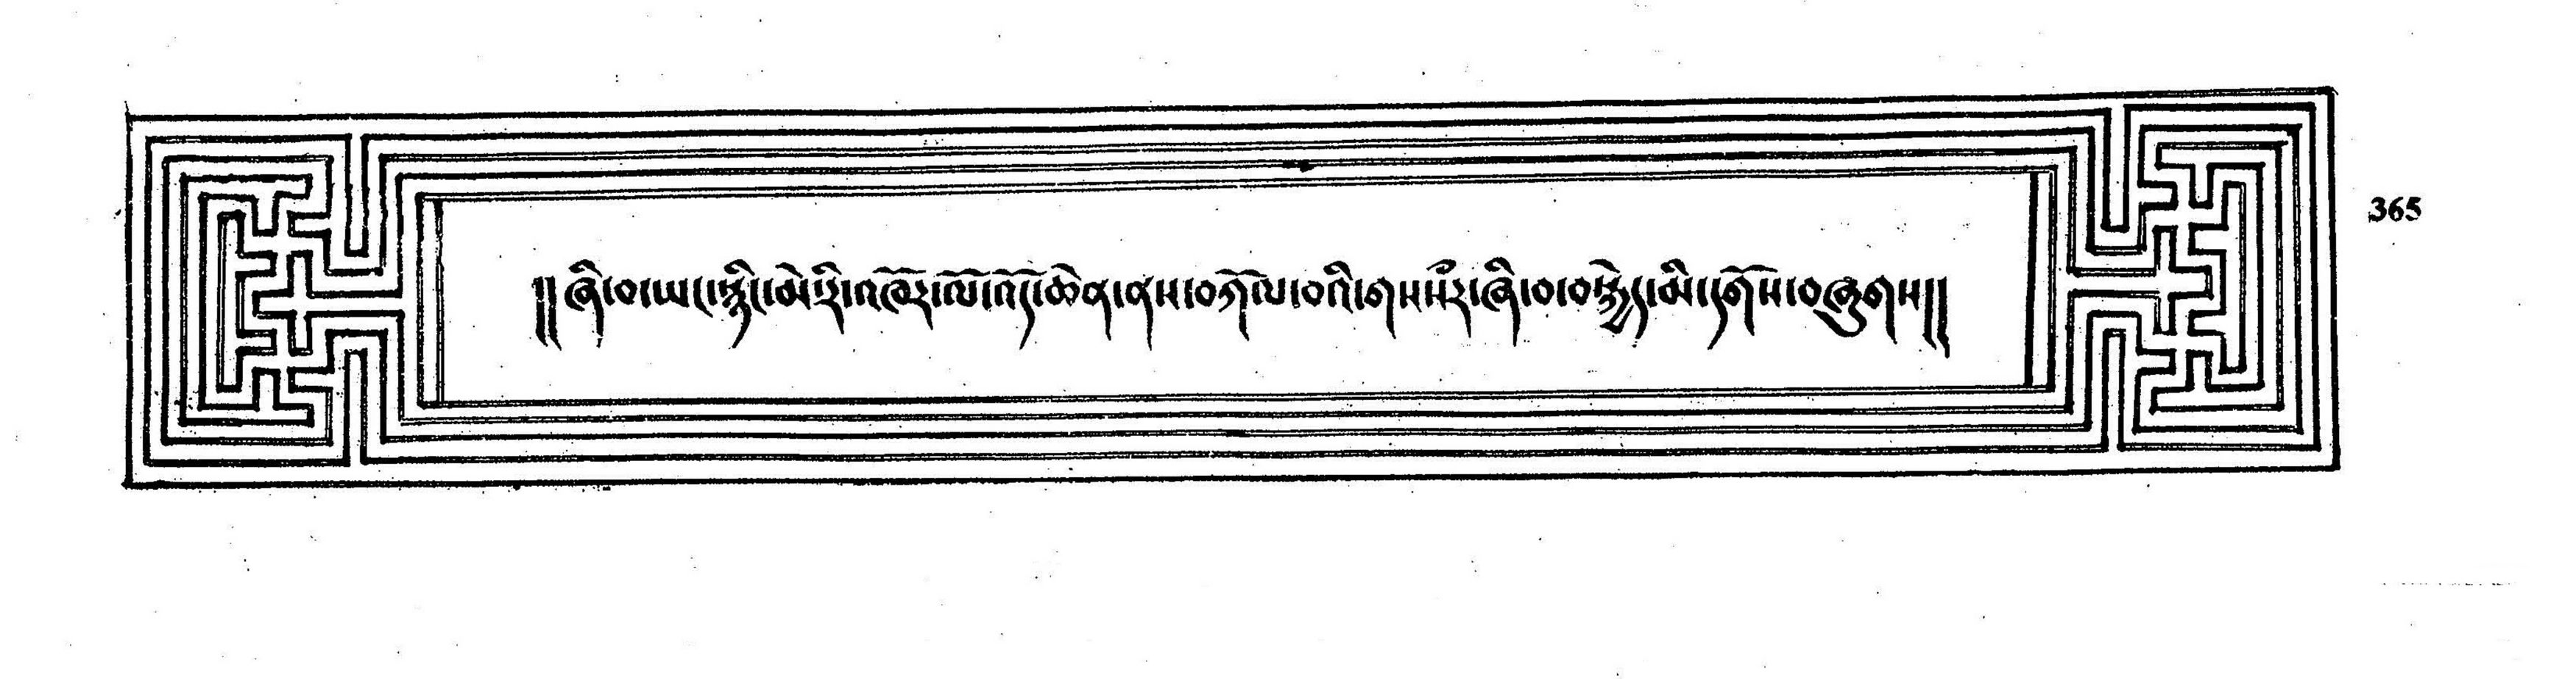།། ཞི་བ་ཡང་སྙིང་མེ་རི་འཁོར་ལོ་འོད་ཆེན་ནས་བཀོལ་བའི་གསས་མཁར་ཞི་བ་བསྐྱེད་མི་དགོས་བཞུགས།།